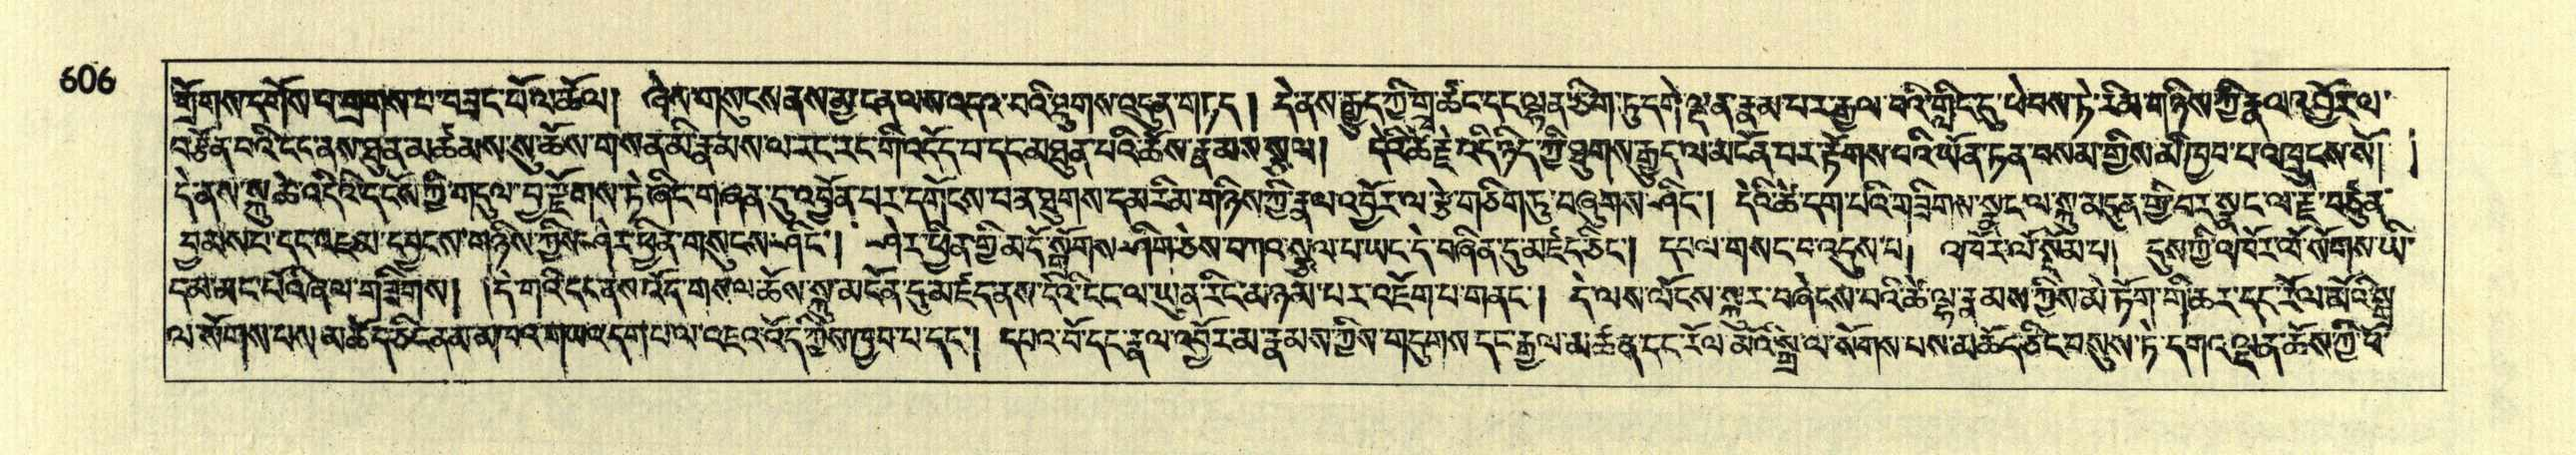གྲོགས་དགོས་པ་གྲགས་པ་བཟང་པོ་ལ་ཆོལ། ཞེས་གསུངས་ནས་མྱ་ངན་ལས་འདའ་བའི་ཐུགས་འདུན་གཏད། དེ་ནས་རྒྱུད་ཀྱི་གྲྭ་ཚང་དང་ལྷན་ཅིག་ཏུ་དགེ་ལྡན་རྣམས་པར་རྒྱལ་བའི་གླིང་དུ་ཕེབས་ཏེ་རིམ་གཉིས་ཀྱི་རྣལ་འབྱོར་ལ་
བརྩོན་བའི་ངང་ནས་ཐུན་མཚམས་སུ་ཆོས་གསན་མི་རྣམས་ལ་རང་རང་གི་འདོད་པ་དང་མཐུན་པའི་ཆོས་རྣམས་སྩལ། དེའི་ཚེ་རྗེ་འདི་ཉིད་ཀྱི་ཐུགས་རྒྱུད་ལ་མངོན་བར་རྟོགས་པའི་ཡོན་ཏན་བསམ་གྱིས་མི་ཁྱབ་པ་འཁྲུངས་སོ། །
དེ་ནས་སྐུ་ཆེ་འདིའི་དངོས་ཀྱི་གདུལ་བྱ་རྫོགས་ཏེ་ཞིང་གཞན་དུ་འབྱོན་པར་དགོངས་བན་ཐུགས་དམ་རིམ་གཉིས་ཀྱི་རྣལ་འབྱོར་ལ་རྩེ་གཅིག་ཏུ་བཞུགས་ཤིང་། དེའི་ཚེ་དག་པའི་གཟིགས་སྣང་ལ་སྐུ་མདུན་གྱི་བར་སྣང་ལ་རྗེ་བཙུན་
བྱམས་པ་དང་འཇམ་དབྱངས་གཉིས་ཀྱིས་ཤེར་ཕྱིན་གསུངས་ཤིང་། ཤེར་ཕྱིན་གྱི་མདོ་སྒྲོགས་ཤིག་ཅེས་བཀའ་སྩལ་པ་ཡང་དེ་བཞིན་དུ་མཛད་ཅིང་། དཔལ་གསང་བ་འདུས་པ། འཁོར་ལོ་སྡོམ་པ། དུས་ཀྱི་འཁོར་ལོ་སོགས་ཡི་
དམ་མང་པོའི་ཞལ་གཟིགས། །དེ་གའི་དང་ནས་འོད་གསལ་ཆོས་སྐུ་མངོན་དུ་མཛད་ནས་དེའི་ངང་ལ་ཡུན་རིང་མཉམ་པར་འཇོག་པ་གནང་། དེ་ལས་ལོངས་སྐུར་བཞེངས་པའི་ཚེ་ལྷ་རྣམས་ཀྱིས་མེ་ཏོག་གི་ཆར་དང་རོལ་མོའི་སྒྲ་
ལ་སོགས་པས་མཆོད་ཅིང་ནམ་མཁའ་གཡའ་དག་པ་ལ་འཇའ་འོད་ཀྱིས་ཁྱབ་པ་དང་། དཔའ་བོ་དང་རྣལ་འབྱོར་མ་རྣམས་ཀྱིས་གདུགས་དང་རྒྱལ་མཚན་དང་རོལ་མོའི་སྒྲ་ལ་སོགས་པས་མཆོད་ཅིང་བསུས་ཏེ་དགའ་ལྡན་ཆོས་ཀྱི་ཕོ་